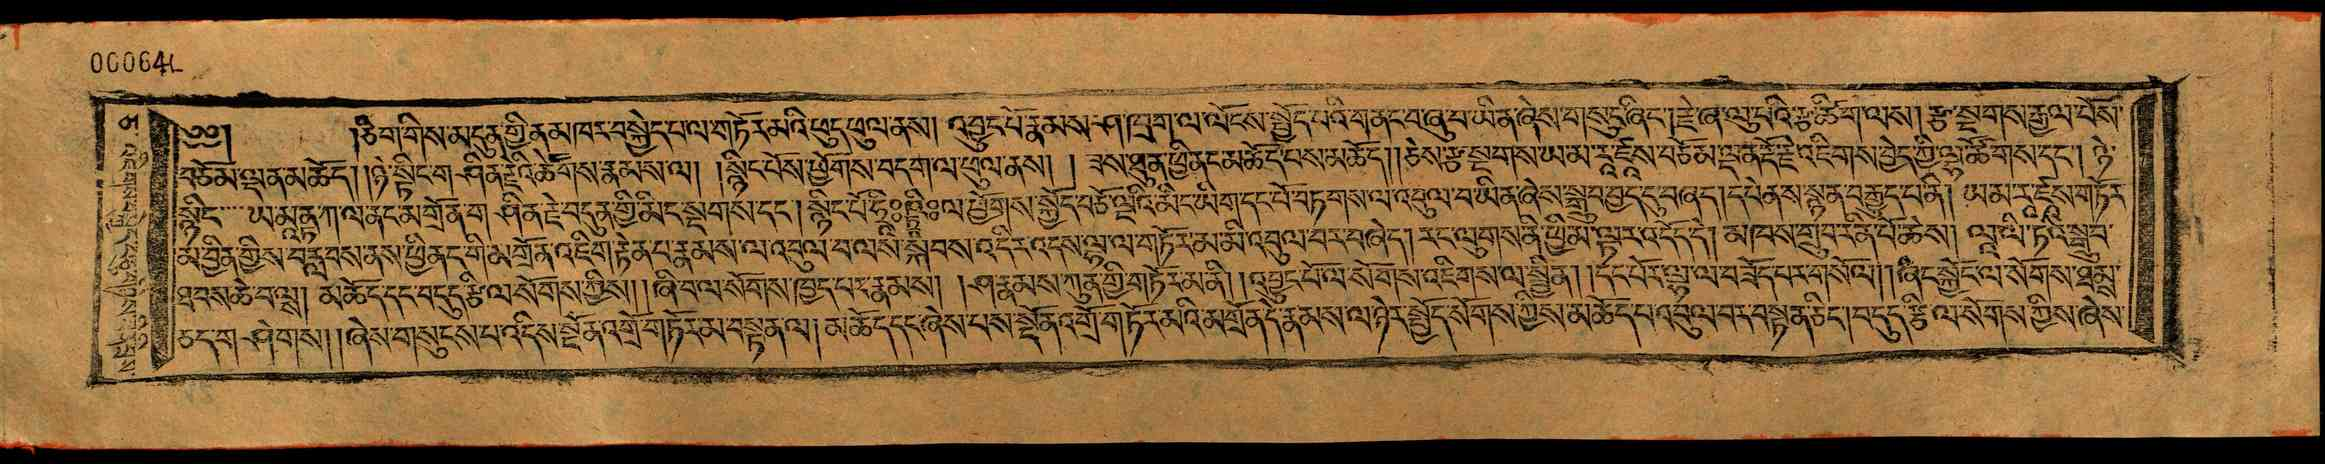༄༅། །ཅིག་གིས་མདུན་གྱི་ནམ་མཁར་བསྐྱེད་པ་ལ་གཏོར་མའི་ཕུད་ཕུལ་ནས། འབྱུང་པོ་རྣམས་ཤ་ཁྲག་ལ་ལོངས་སྤྱོད་པའི་གནང་བ་ཞུ་བ་ཡིན་ཞེས་གསུང་ཞིང་། རྗེ་ཞ་ལུ་པའི་རྩ་ཚིག་ལས། རྩ་སྔགས་རྒྱལ་པོས་
བཅོམ་ལྡན་མཆོད། །ཉེ་སྙིང་གཤིན་རྗེའི་ཚོགས་རྣམས་ལ། །སྙིང་པོས་ཕྱོགས་བདག་ལ་ཕུལ་ནས། །ལས་ཐུན་ཕྱི་ནང་མཆོད་པས་མཆོད། །ཅེས་རྩ་སྔགས་ཡམ་རཱ་ཛཱ་ས་བཅོམ་ལྡན་རྡོ་རྗེ་འཇིགས་བྱེད་ཀྱི་ལྷ་ཚོགས་དང་། ཉེ་
སྙིང་ཡ་མཱནྟ་ཀ་ལ་ནང་མགྲོན་གཤིན་རྗེ་བདུན་གྱི་མིང་སྔགས་དང་། སྙིང་པོ་ཧྲཱིཿ ཥྜྲིཿ ལ་ཕྱོགས་སྐྱོང་བཅོ་ལྔའི་མིང་ཡིག་དང་པོ་བཏགས་ལ་འབུལ་བ་ཡིན་ཞེས་སྒྲུབ་བྱེད་དུ་བཞེད། དབེན་ས་སྙན་བརྒྱུད་པ་ནི། ཡ་མ་རཱ་ཛཱས་གཏོར་
མ་བྱིན་གྱིས་བརླབས་ནས་ཕྱི་ནང་གི་མགྲོན་འཇིག་རྟེན་པ་རྣམས་ལ་འབུལ་བ་ལས་སྐབས་འདིར་འདས་ལྷ་ལ་གཏོར་མ་མི་འབུལ་བར་བཞེད། རང་ལུགས་ནི་ཕྱི་མ་ལྟར་འདོད་དེ། མཁས་གྲུབ་རིན་པོ་ཆེས། ལཱ་ལི་ཏའི་སྒྲུབ་
ཐབས་ཆེ་བ་ལས། མཆོད་དང་བདུད་རྩི་ལ་སོགས་ཀྱིས། །ཞི་བ་ལ་སོགས་ཁྱད་པར་རྣམས། །ཤ་རྣམས་ཀུན་གྱི་གཏོར་མ་ནི། །འབྱུང་པོ་ལ་སོགས་འཇིགས་ལ་སྦྱིན། །དང་པོར་ལྷ་ལ་བཟོད་པར་གསོལ། །ཞིང་སྐྱོང་ལ་སོགས་ཐམས་
ཅད་གཤེགས། །ཞེས་གསུངས་པ་འདིས་སྔོན་འགྲོ་གཏོར་མ་བསྟན་ལ། མཆོད་དང་ཞེས་པས་སྔོན་འགྲོ་གཏོར་མའི་མགྲོན་དེ་རྣམས་ལ་ཉེར་སྤྱོད་སོགས་ཀྱིས་མཆོད་པ་འབུལ་བར་བསྟན་ཅིང་། བདུད་རྩི་ལ་སོགས་ཀྱིས་ཞེས་